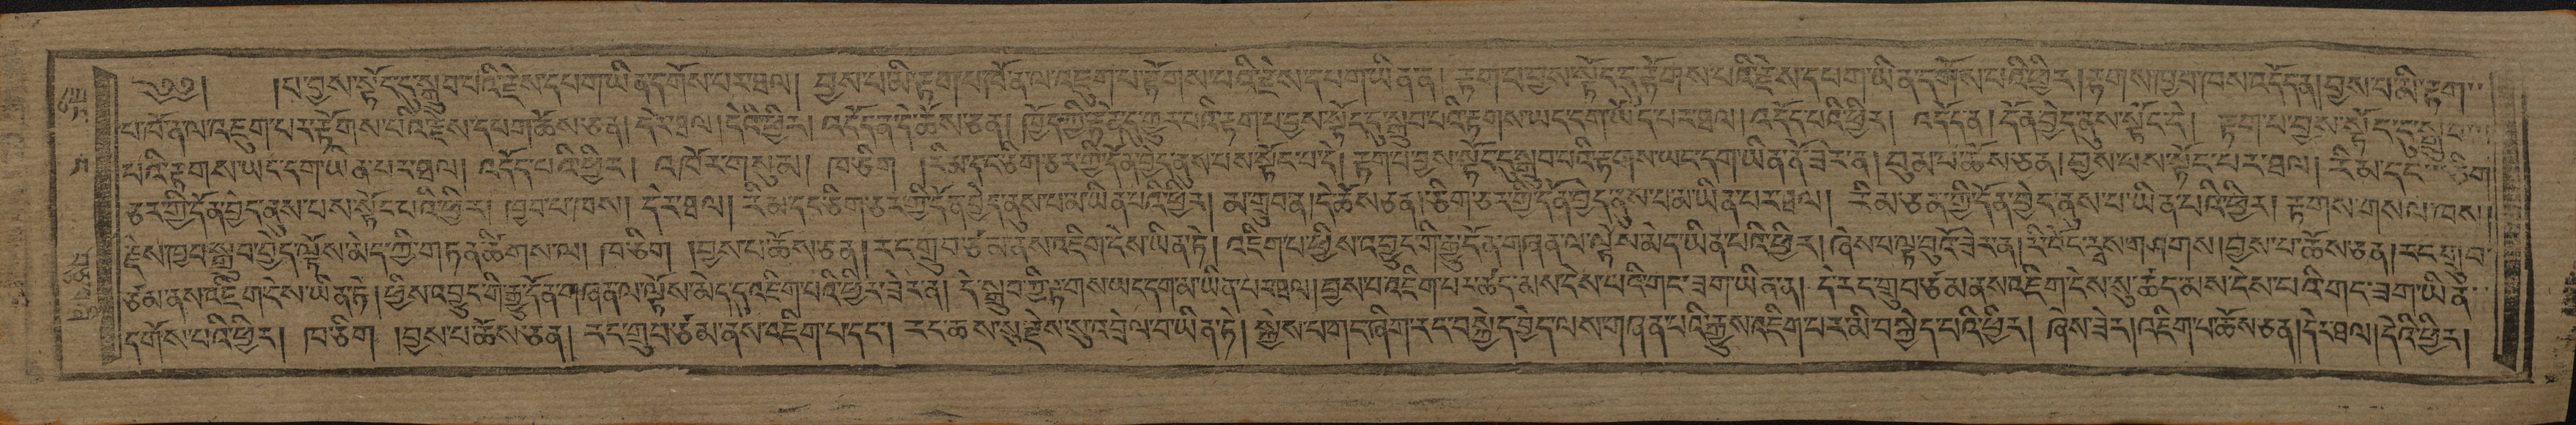༄༅། །པ་བྱས་སྟོང་དུ་སྒྲུབ་པའི་རྗེས་དཔག་ཡིན་དགོས་པར་ཐལ། བྱས་པ་མི་རྟག་པ་ཁོ་ན་ལ་འཇུག་པ་རྟོགས་པའི་རྗེས་དཔག་ཡིན་ན། རྟག་པ་བྱས་སྟོང་དུ་རྟོགས་པའི་རྗེས་དཔག་ཡིན་དགོས་པའི་ཕྱིར། རྟགས་ཁྱབ་ཁས་འདོད་ན། བྱས་པ་མི་རྟག་
པ་ཁོ་ན་ལ་འཇུག་པར་རྟོགས་པའི་རྗེས་དཔག་ཆོས་ཅན། དེར་ཐལ། དེའི་ཕྱིར། འདོད་ན་དེ་ཆོས་ཅན། ཁྱོད་ཀྱི་རྟེན་དུ་གྱུར་པའི་རྟག་པ་བྱས་སྟོང་དུ་སྒྲུབ་པའི་རྟགས་ཡང་དག་ཡོད་པར་ཐལ། འདོད་པའི་ཕྱིར། འདོད་ན། དོན་བྱེད་ནུས་སྟོང་དེ། རྟག་པ་བྱས་སྟོང་དུ་སྒྲུབ་
པའི་རྟགས་ཡང་དག་ཡིན་པར་ཐལ། འདོད་པའི་ཕྱིར། འཁོར་གསུམ། ཁ་ཅིག །རིམ་དང་ཅིག་ཅར་གྱི་དོན་བྱེད་ནུས་པས་སྟོང་པ་དེ། རྟག་པ་བྱས་སྟོང་དུ་སྒྲུབ་པའི་རྟགས་ཡང་དག་ཡིན་ནོ་ཟེར་ན། བུམ་པ་ཆོས་ཅན། བྱས་པས་སྟོང་པར་ཐལ། རིམ་དང་ཅིག་
ཅར་གྱི་དོན་བྱེད་ནུས་པས་སྟོང་པའི་ཕྱིར། ཁྱབ་པ་ཁས། དེར་ཐལ། རིམ་དང་ཅིག་ཅར་གྱི་དོན་བྱེད་ནུས་པ་མ་ཡིན་པའི་ཕྱིར། མ་གྲུབ་ན། དེ་ཆོས་ཅན། ཅིག་ཅར་གྱི་དོན་བྱེད་ནུས་པ་མ་ཡིན་པར་ཐལ། རིམ་ཅན་གྱི་དོན་བྱེད་ནུས་པ་ཡིན་པའི་ཕྱིར། རྟགས་གསལ་ཁས།
རྗེས་ཁྱབ་སྒྲུབ་བྱེད་ལྟོས་མེད་ཀྱི་གཏན་ཚིགས་ལ། ཁ་ཅིག །བྱས་པ་ཆོས་ཅན། རང་གྲུབ་ཙམ་ནས་འཇིག་ངེས་ཡིན་ཏེ། འཇིག་པ་ཕྱིས་འབྱུང་གི་རྒྱུ་དོན་གཞན་ལ་ལྟོས་མེད་ཡིན་པའི་ཕྱིར། ཞེས་པ་ལྟ་བུའོ་ཟེར་ན། རི་བོང་རྭས་གཤགས། བྱས་པ་ཆོས་ཅན། རང་གྲུབ་
ཙམ་ནས་འཇིག་ངེས་ཡིན་ཏེ། ཕྱིས་འབྱུང་གི་རྒྱུ་དོན་གཞན་ལ་ལྟོས་མེད་དུ་འཇིག་པའི་ཕྱིར་ཟེར་ན། དེ་སྒྲུབ་ཀྱི་རྟགས་ཡང་དག་མ་ཡིན་པར་ཐལ། བྱས་པ་འཇིག་པར་ཚད་མས་ངེས་པའི་གང་ཟག་ཡིན་ན། དེ་རང་གྲུབ་ཙམ་ནས་འཇིག་ངེས་སུ་ཚད་མས་ངེས་པའི་གང་ཟག་ཡིན་
དགོས་པའི་ཕྱིར། ཁ་ཅིག །བྱས་པ་ཆོས་ཅན། རང་གྲུབ་ཙམ་ནས་འཇིག་པ་དང་། རང་ཆས་སུ་རྗེས་སུ་འབྲེལ་བ་ཡིན་ཏེ། སྐྱེས་པ་གང་ཞིག་རང་བསྐྱེད་བྱེད་ལས་གཞན་པའི་རྒྱུས་འཇིག་པར་མི་བསྐྱེད་པའི་ཕྱིར། ཞེས་ཟེར། འཇིག་པ་ཆོས་ཅན། དེར་ཐལ། དེའི་ཕྱིར།